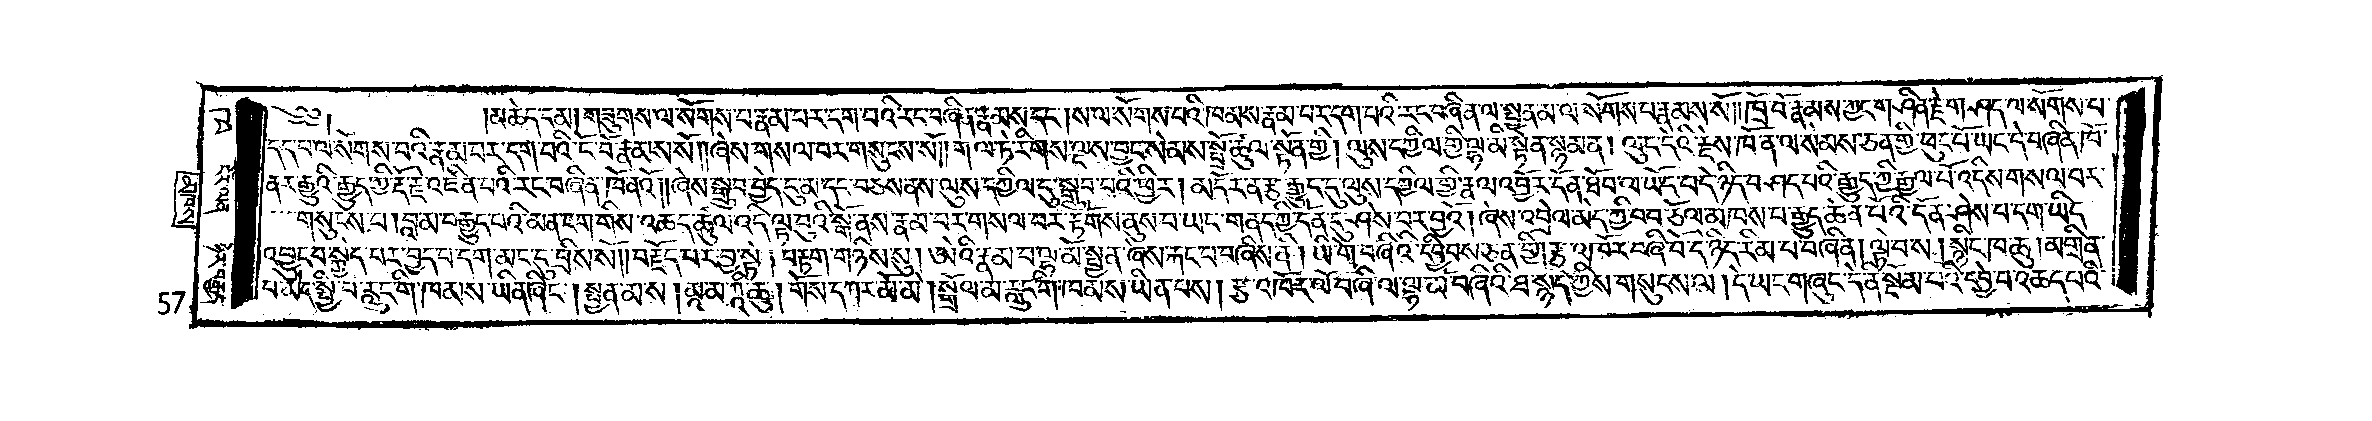༄༅། །མཆེད་དམ། གཟུགས་ལ་སོགས་པ་རྣམ་པར་དག་པའི་རང་བཞིན་རྣམས་དང་། ས་ལ་སོགས་པའི་ཁམས་རྣམ་པར་དག་པའི་རང་བཞིན་ལ་སྤྱན་མ་ལ་སོགས་པ་རྣམས་སོ། །ཁྲོ་བོ་རྣམས་ཀྱང་གཤིན་རྗེ་གཤད་ལ་སོགས་པ་
དད་པ་ལ་སོགས་པའི་རྣམ་པར་དག་པའི་ངོ་བོ་རྣམས་སོ། །ཞེས་གསལ་བར་གསུངས་སོ། །གལ་ཏེ་རིགས་ལྔས་བྱང་སེམས་སྤྲོ་ཚུལ་སྟོན་གྱི། ལུས་དཀྱིལ་གྱི་ལྷ་མི་སྟེན་སྙམ་ན། ལུང་དེའི་རྗེས་ཁོ་ན་ལ་སེམས་ཅན་གྱི་ཕུང་པོ་ཡང་དེ་བཞིན་ཁོ་
ནར་རྒྱུའི་རྒྱུད་ཀྱི་རྡོ་རྗེ་འཛིན་པའི་རང་བཞིན་ཁོ་ནའོ། །ཞེས་སྒྲུབ་བྱེད་དུ་མ་དང་བཅས་ནས་ལུས་དཀྱིལ་དུ་སྒྲུབ་པའི་ཕྱིར། མདོར་ན་རྩ་རྒྱུད་དུ་ལུས་དཀྱིལ་གྱི་རྣལ་འབྱོར་དོན་ཐོབ་ལ་ཡོད་པ་དེ་ཉིད་བཤད་པའི་རྒྱུད་ཀྱི་རྒྱལ་པོ་འདིས་གསལ་བར་
གསུངས་པ། བླ་མ་བརྒྱུད་པའི་མན་ངག་གིས་འཆད་ཚུལ་འདི་ལྟ་བུའི་སྒོ་ནས་རྣམ་པར་གསལ་བར་རྟོགས་ནུས་པ་ཡང་གནད་ཀྱི་དོན་དུ་ཤེས་པར་བྱའོ། །ཞེས་འབྲེལ་མེད་ཀྱི་བབ་ཅོལ་མཁས་པ་རྒྱུད་ཆེན་པོའི་དོན་ཤེས་པ་དག་ཡིད་
འབྱུང་བ་སྐྱེད་པར་བྱེད་པ་དག་མང་དུ་བྲིས་སོ། །བརྗོད་པར་བྱ་སྟེ། བརྟག་གཉིས་སུ། ཨེའི་རྣམ་པ་ལྷ་མོ་སྤྱན་ཞེས་རྐང་པ་བཞིས་ནི། ཡི་གེ་བཞིའི་དབྱིབས་ཅན་གྱི། རྩ་འཁོར་བཞི་པོ་དེ་ཉིད་རིམ་པ་བཞིན། ལྟེ་བས། སྙིང་ཁ་ཆུ། མགྲིན་
པ་མེད་སྤྱི་པ་རླུང་གི་ཁམས་ཡིན་ཞིང་། སྤྱན་མ་ས། མཱ་མ་ཀཱི་ཆུ། གོས་དཀར་མོ་མེ། སྒྲོལ་མ་རླུང་གི་ཁམས་ཡིན་པས། རྩ་འཁོར་ལོ་བཞི་ལ་ལྷ་མོ་བཞིའི་ཐ་སྙད་ཀྱིས་གསུངས་ལ། དེ་ཡང་གཞུང་དེ་ནི་སྡོམ་པའི་དབྱེ་བ་འཆད་པའི་